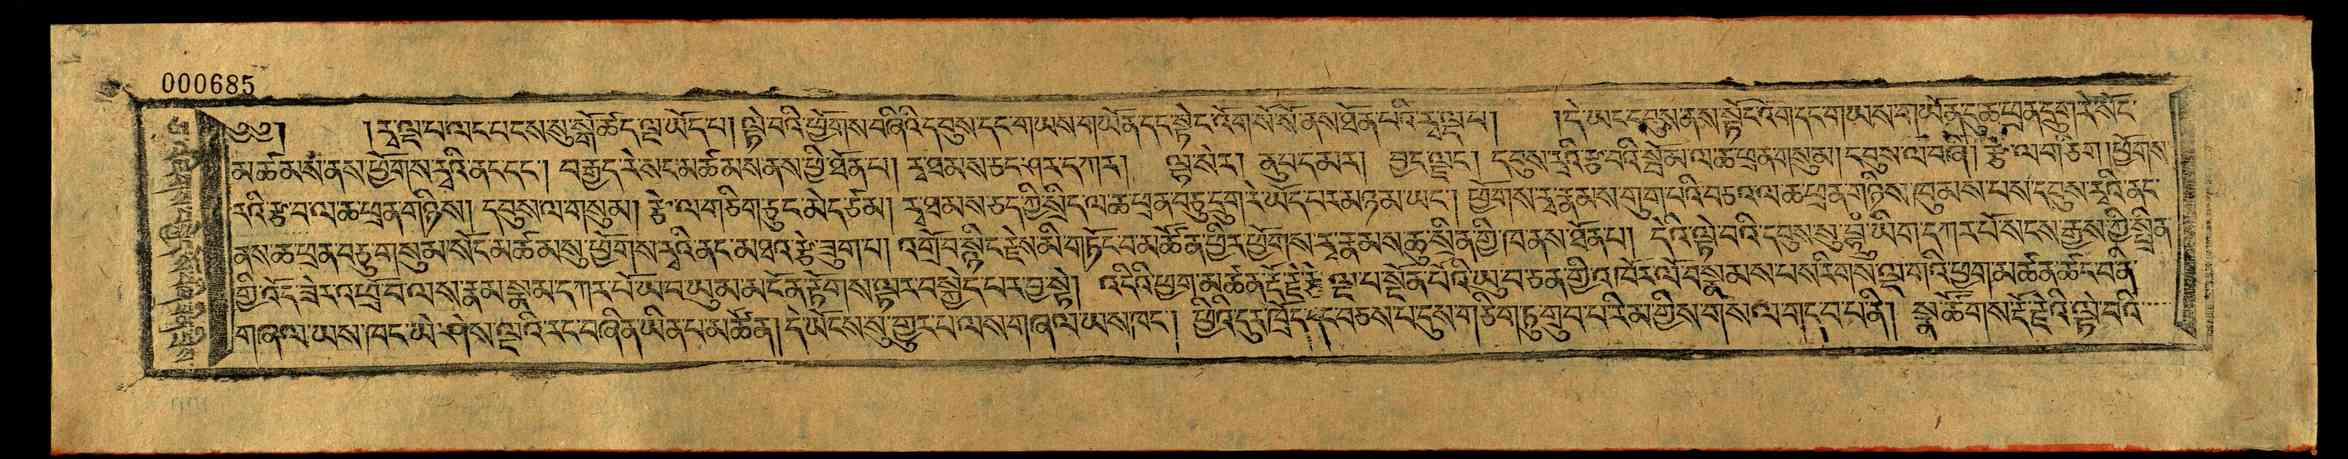༄༅། །རྭ་ལྔ་པ་ལ་དཔངས་སུ་སྒོ་ཚད་ལྔ་ཡོད་པ། ལྟེ་བའི་ཕྱོགས་བཞིའི་དབུས་དང་གཡས་གཡོན་དང་སྟེང་འོག་སོ་སོ་ནས་ཐོན་པའི་རྭ་ལྔ་པ། དེ་ཡང་དབུས་ནས་སྟེང་འོག་དང་གཡས་གཡོན་དུ་ཆ་ཕྲན་དྲུག་རེ་སོར་
མཚམས་ནས་ཕྱོགས་རྭའི་ནང་དང་། བརྒྱད་རེ་སོང་མཚམས་ནས་ཕྱི་ཐོན་པ། རྭ་ཐམས་ཅད་ཤར་དཀར། ལྷོ་སེར། ནུབ་དམར། བྱང་ལྗང་། དབུས་རྭའི་རྩ་བའི་སྦོམ་ལ་ཆ་ཕྲན་གསུམ། དབུས་ལ་བཞི། རྩེ་ལ་གཅིག །ཕྱོགས་
རྭའི་རྩ་བ་ལ་ཆ་ཕྲན་གཉིས། དབུས་ལ་གསུམ། རྩེ་ལ་གཅིག་ཅུང་མེད་ཙམ། རྭ་ཐམས་ཅད་ཀྱི་སྲིད་ལ་ཆ་ཕྲན་བཅུ་དྲུག་རེ་ཡོད་པར་མཉམ་ཡང་། ཕྱོགས་རྭ་རྣམས་གུག་པའི་བཅའ་ལ་ཆ་ཕྲན་གཉིས་ཁུམས་པས་དབུས་རྭའི་ནང་
ནས་ཆ་ཕྲན་བཅུ་གསུམ་སོང་མཚམས་སུ་ཕྱོགས་རྭའི་ནང་མཐའི་རྩེ་ཟུག་པ། འགྲོ་བ་སྙིང་རྗེས་མི་གཏོང་བ་མཚོན་ཕྱིར་ཕྱོགས་རྭ་རྣམས་ཆུ་སྲིན་གྱི་ཁ་ནས་ཐོན་པ། དེའི་ལྟེ་བའི་དབུས་སུ་བྷྲུཾ་ཡིག་དཀར་པོ་སངས་རྒྱས་ཀྱི་སྤྲིན་
གྱི་འོད་ཟེར་འཕྲོ་བ་ལས་རྣམ་སྣང་དཀར་པོ་ཡབ་ཡུམ་མངོན་རྟོགས་ལྟར་བསྐྱེད་པར་བྱ་སྟེ། འདིའི་ཕྱག་མཚན་རྡོ་རྗེ་རྩེ་ལྔ་པ་སྔོན་པོའི་ཡུ་བ་ཅན་གྱི་འཁོར་ལོ་བསྣམས་པས་རིགས་ལྔ་གའི་ཕྱག་མཚན་ཚང་བ་ནི་
གཞལ་ཡས་ཁང་ཡེ་ཤེས་ལྔའི་རང་བཞིན་ཡིན་པ་མཚོན། དེ་ཡོངས་སུ་གྱུར་པ་ལས་གཞལ་ཡས་ཁང་། ཕྱིའི་དུར་ཁྲོད་དང་བཅས་པ་དུས་གཅིག་ཏུ་གྲུབ་པ་རིམ་གྱིས་གསལ་གདབ་པ་ནི། སྣ་ཚོགས་རྡོ་རྗེའི་ལྟེ་བའི་